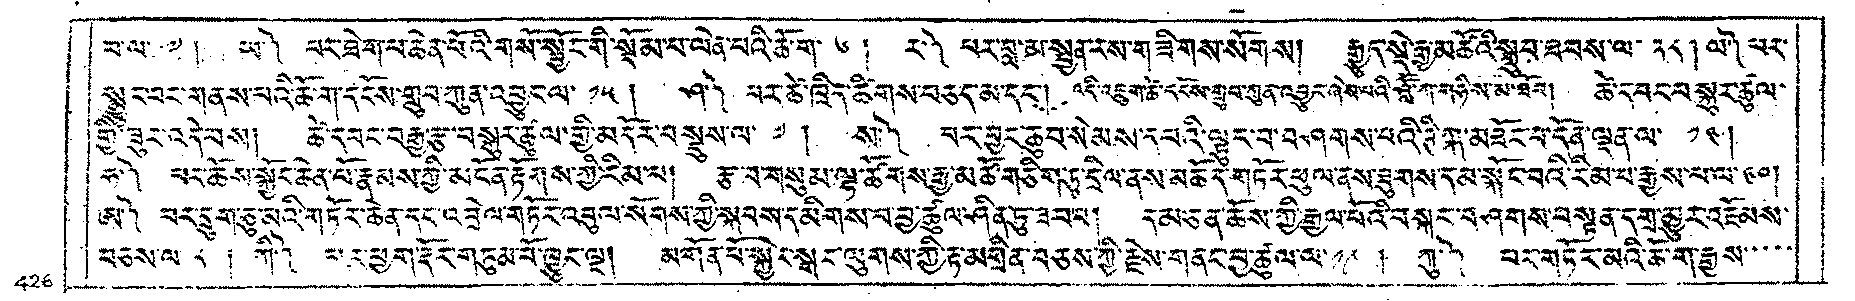བ་ལ ༧། ཡ྄་པར་ཐེག་པ་ཆེན་པོའི་གསོ་སྦྱོང་གི་སྡོམ་པ་ལེན་པའི་ཆོ་ག ༦། ར྄་པར་བླ་མ་སྤྱན་རས་གཟིགས་སོགས། རྒྱུད་སྡེ་རྒྱ་མཚོའི་སྒྲུབ་ཐབས་ལ ༢༨། ལ྄་པར་
སྨྱུང་བར་གནས་པའི་ཆོ་ག་དངོས་གྲུབ་ཀུན་འབྱུང་ལ ༡༥། ཤ྄་པར་ཚེ་ཁྲིད་ཚིགས་བཅད་མ་དང་། འདི་འཇུག་ཚེ་དངོས་གྲུབ་ཀུན་འབྱུང་ཞེས་པའི་ཤླཽ་ཀ་གཉིས་མ་ཐོབ།  ཚེ་དབང་བསྐུར་ཚུལ་
གྱི་ཟུར་འདེབས། ཚེ་དབང་བརྒྱ་རྩ་བསྐུར་ཚུལ་གྱི་མདོར་བསྡུས་ལ ༧། ས྄་པར་བྱང་ཆུབ་སེམས་དཔའི་ལྟུང་བ་བཤགས་པའི་ཊིཀྐ་མཐོང་བ་དོན་ལྡན་ལ ༡༤།
ཧ྄་པར་ཆོས་སྐྱོང་ཆེན་པོ་རྣམས་ཀྱི་མངོན་རྟོགས་ཀྱི་རིམ་པ། རྩ་བ་གསུམ་ལྷ་ཚོགས་རྒྱ་མཚོ་གཅིག་ཏུ་དྲིལ་ནས་མཆོད་གཏོར་ཕུལ་ནས་ཐུགས་དམ་སྐོང་བའི་རིམ་པ་རྒྱས་པ་ལ ༤༠།
ཨ྄་པར་དྲུག་ཅུ་མའི་གཏོར་ཆེན་དང་འབྲེལ་གཏོར་འབུལ་སོགས་ཀྱི་སྐབས་དམིགས་པ་བྱ་ཚུལ་ཤིན་ཏུ་ཟབ་པ། དམ་ཅན་ཆོས་ཀྱི་རྒྱལ་པོའི་བསྐང་བཤགས་བསྟན་དགྲ་མྱུར་འཇོམས་
བཅས་ལ ༨། ཀ྄ི་པར་ཕྱག་རྡོར་གཏུམ་པོ་ཁྱུང་ལྔ། མགོན་པོ་སྐྱེར་སྒང་ལུགས་ཀྱི་རྟ་མགྲིན་བཅས་ཀྱི་རྗེས་གནང་བྱ་ཚུལ་ལ ༡༩། ཀ྄ུ་པར་གཏོར་མའི་ཆོ་ག་རྒྱས་